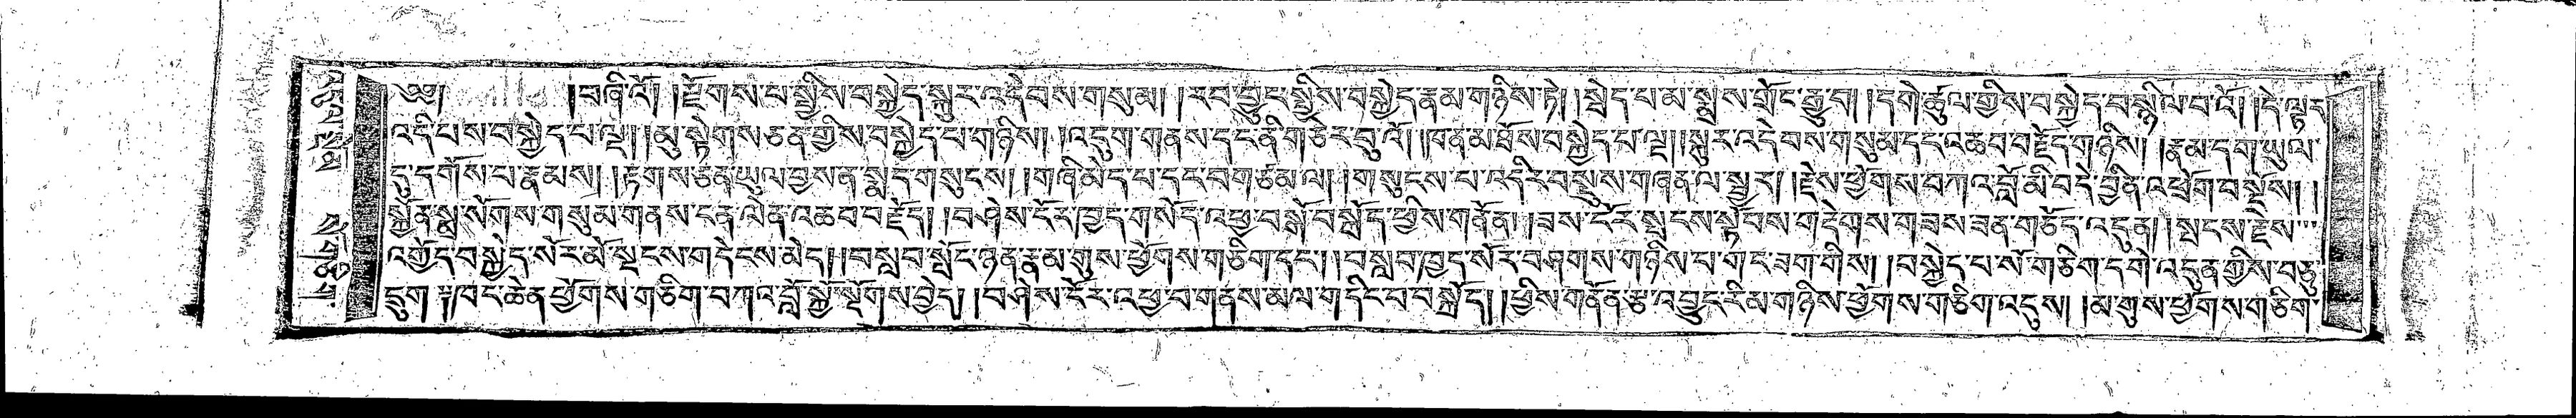༄༅། །བཞིའོ། །རྫོགས་པ་སྤྱིས་བསྐྱེད་སྐུར་འདེབས་གསུམ། །རབ་བྱུང་སྤྱིས་བསྐྱེད་རྣམ་གཉིས་ཏེ། །སྦེད་པ་མ་སྨྲས་གྲོང་རྒྱུ་བ། །དགེ་ཚུལ་གྱིས་བསྐྱེད་བསྙིལ་བའོ། །དེ་ལྟར་
འདི་པས་བསྐྱེད་པ་ལྔ། །མུ་སྟེགས་ཅན་གྱིས་བསྐྱེད་པ་གཉིས། །འདུག་གནས་དང་ནི་གཅེར་བུ་འོ། །ཁ་ན་མ་ཐོས་བསྐྱེད་པ་ལྔ། །སྐུར་འདེབས་གསུམ་དང་འཆབ་བརྗོད་གཉིས། །རྣམ་དག་ཡུལ་
དུ་དགོས་པ་རྣམས། །རྟགས་ཅན་ཡུལ་བྱས་ན་སྨད་གསུངས། །གཞི་མེད་པ་དང་བག་ཙམ་ལ། །གསུངས་པ་འདིར་བསྡུས་གཞན་ལ་སྦྱར། །རྗེས་ཕྱོགས་བཀའ་བློ་མི་བདེ་བྱིན་འཕྲོག་བསྔོས། །
སྐྱོན་སྨྲ་སོགས་གསུམ་གནས་ངན་ལེན་འཆབ་བརྗོད། །བཤེས་ངོར་ཁྱད་གསོད་འཕྱ་བསྒོ་བསྐྲོད་ཕྱིས་གནོན། །ཟས་ངོར་སྤངས་སྟོབས་གྲྡེགས་གཟས་ཟན་གཅོད་འདུན། །སྤངས་རྗེས་
འགྱོད་བསྐྱེད་སོར་མོ་སྔངས་གདེངས་མེད། །བསླབ་སྤོང་ཉན་རྣ་མ་གུས་ཕྱོགས་གཅིག་དང་། །བསླབ་ཁྱད་སོར་བཤགས་གཉིས་པ་གང་ཟག་གིས། །བསྐྱེད་པ་སོ་གཅིག་དགེ་འདུན་གྱིས་བཅུ་
དྲུག ༑ཁང་ཆེན་ཕྱོགས་གཅིག་བཀའ་བློ་སྐྱོ་སྔོགས་བྱེད། །བཤེས་ངོར་འཕྱ་བ་གནས་མལ་གདིང་བ་བསྐྲོད། །ཕྱིས་གནོན་རྩ་འབྱུང་རིམ་གཉིས་ཕྱོགས་གཅིག་འདུས། །མ་གུས་ཕྱོགས་གཅིག་